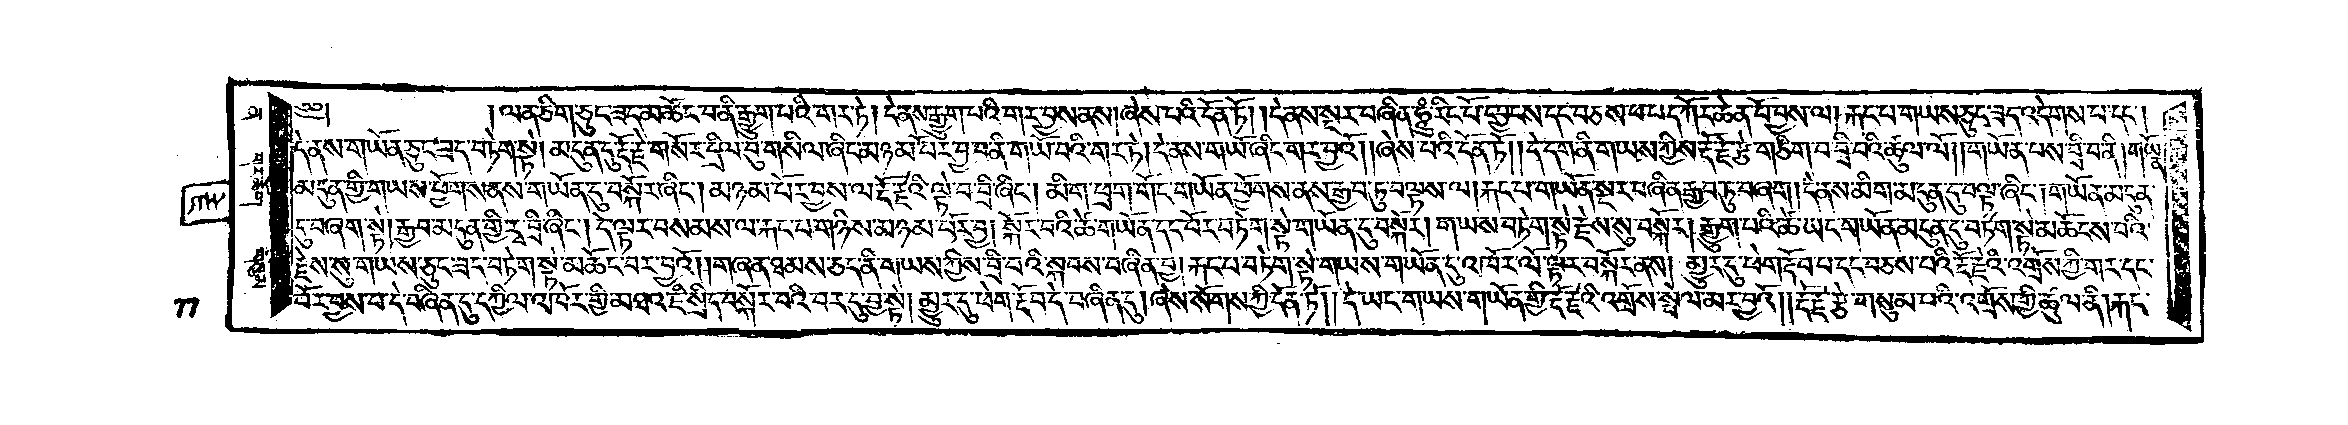༄༅། །ལན་ཅིག་ཅུང་ཟད་མཆོང་བ་ནི་རྒྱུག་པའི་གར་ཏེ། དེ་ནས་རྒྱུག་པའི་གར་བྱས་ནས། ཞེས་པའི་དོན་ཏོ། །དེ་ནས་སྔར་བཞིན་ཧཱུཾ་རིང་པོ་དབྱངས་དང་བཅས་པ་པད་ཀོར་ཆེན་པོ་བྱས་ལ། རྐང་པ་གཡས་ཅུང་ཟད་འདེགས་པ་དང་།
དེ་ནས་གཡོན་ཅུང་ཟད་བཏེག་སྟེ། མདུན་དུ་རྡོ་རྗེ་གསོར་དྲིལ་བུ་གསིལ་ཞིང་མཉམ་པོར་བྱ་བ་ནི་གཡོ་བའི་གར་ཏེ། དེ་ནས་གཡོ་ཞིང་གར་བྱའོ། །ཞེས་པའི་དོན་ཏོ། །དེ་དག་ནི་གཡས་ཀྱིས་རྡོ་རྗེ་རྩེ་གཅིག་པ་བྲི་བའི་ཚུལ་ལོ། །གཡོན་པས་བྲི་བ་ནི། གཡོན་
མདུན་གྱི་གཡས་ཕྱོགས་ནས་གཡོན་དུ་བསྐོར་ཞིང་། མཉམ་པོར་བྱས་ལ་རྡོ་རྗེའི་ལྟེ་བ་བྲི་ཞིང་། མིག་ཕྲག་གོང་གཡོན་གཡོན་ཕྱོགས་ནས་རྒྱབ་ཏུ་བལྟས་ལ། རྐང་པ་གཡོན་སྔར་བཞིན་རྒྱབ་ཏུ་བཞག །དེ་ནས་མིག་མདུན་དུ་བལྟ་ཞིང་། གཡོན་མདུན་
དུ་བཞག་སྟེ། རྒྱབ་མདུན་གྱི་རྭ་བྲི་ཞིང་། དེ་ལྟར་བསམས་ལ་རྐང་པ་གཉིས་མཉམ་པོར་བྱ། སྐོར་བའི་ཚེ་གཡོན་དང་པོར་བཏེག་སྟེ་གཡོན་དུ་བསྐོར། གཡས་བཏེག་སྟེ་རྗེས་སུ་བསྐོར། རྒྱུག་པའི་ཚེ་ཡང་གཡོན་མདུན་དུ་བཏེག་སྟེ་མཆོངས་པའི་
རྗེས་སུ་གཡས་ཅུང་ཟད་བཏེག་སྟེ་མཆོང་བར་བྱའོ། །གཞན་ཐམས་ཅད་ནི་གཡས་ཀྱིས་བྲི་བའི་སྐབས་བཞིན་བྱ། རྐང་པ་བཏེག་སྟེ་གཡས་གཡོན་དུ་འཁོར་ལོ་ལྟར་བསྐོར་ནས། མྱུར་དུ་ཕེག་རྡོབ་པ་དང་བཅས་པའི་རྡོ་རྗེའི་འགྲོས་ཀྱི་གར་དང་
པོར་བྱས་པ་དེ་བཞིན་དུ་དཀྱིལ་འཁོར་གྱི་མཐའ་ཇི་སྲིད་བསྐོར་བའི་བར་དུ་བྱ་སྟེ། མྱུར་དུ་ཕེག་རྡོབ་དེ་བཞིན་དུ། ཞེས་སོགས་ཀྱི་དོན་ཏོ། །དེ་ཡང་གཡས་གཡོན་གྱི་རྡོ་རྗེའི་འགྲོས་སྤེལ་མར་བྱའོ། །རྡོ་རྗེ་རྩེ་གསུམ་པའི་འགྲོས་གྱི་ཚུལ་ནི། རྐང་